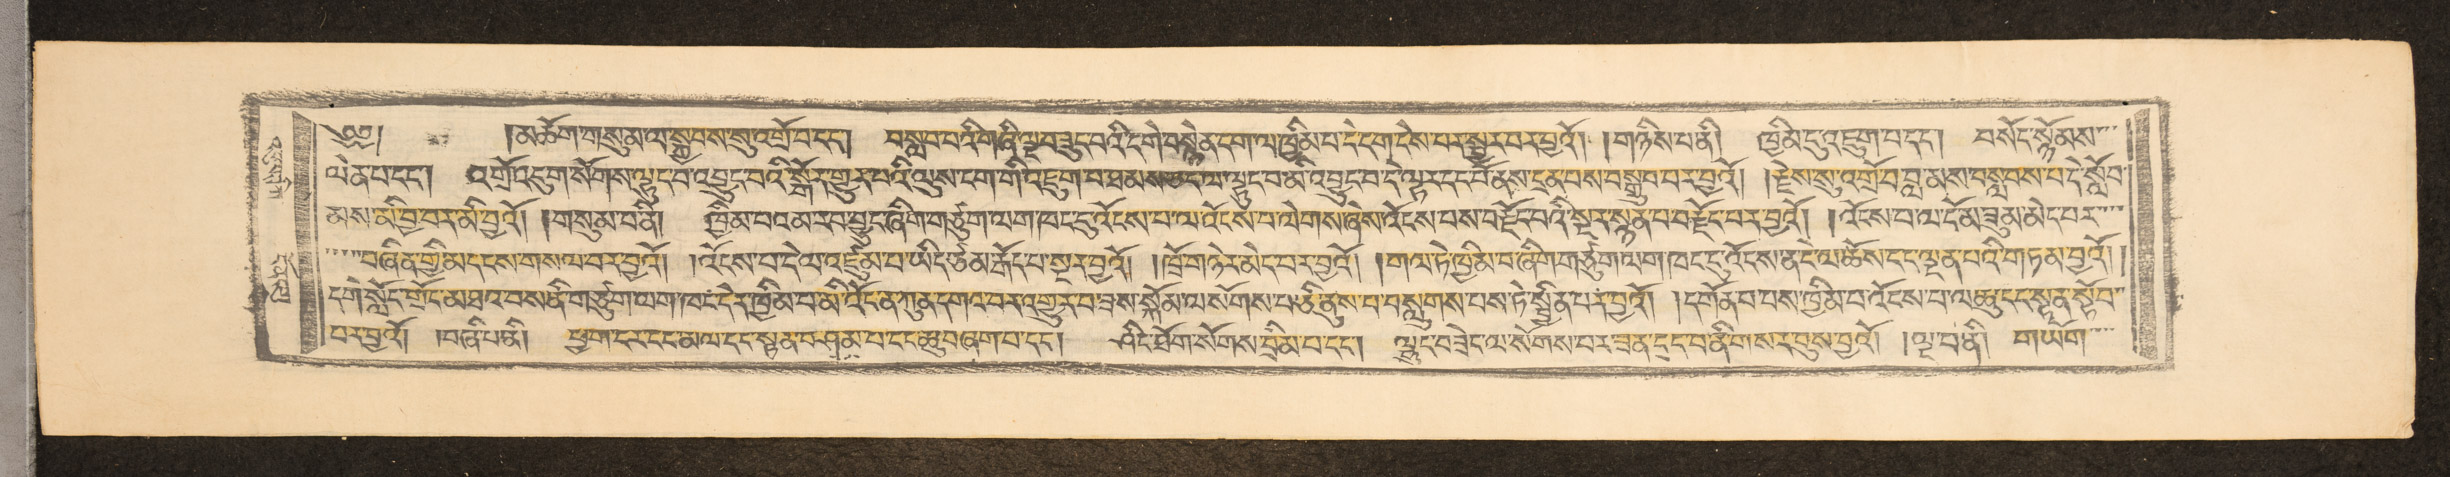༄༅། །མཆོག་གསུམ་ལ་སྐྱབས་སུ་འགྲོ་བ་དང་། བསླབ་པའི་གཞི་ལྔ་བཟུང་བའི་དགེ་བསྙེན་ངག་ལ་ཁྱིམ་པ་དེ་དག་ངེས་པར་སྦྱར་བར་བྱའོ། །གཉིས་པ་ནི། ཁྱིམ་དུ་འཇུག་པ་དང་། བསོད་སྙོམས་
ལེན་པ་དང་། འགྲོ་འདུག་སོགས་ལྟུང་བ་འབྱུང་བའི་སྒོར་གྱུར་པའི་ལུས་ངག་གི་འཇུག་པ་ཐམས་ཅད་ལ་ལྟུང་བ་མི་འབྱུང་བ་དེ་ལྟར་དང་པོ་ནས་དྲན་པས་བསྒྲུབ་པར་བྱའོ། །རྗེས་སུ་འགྲོ་བ་བླ་མས་བསླབས་པ་དེ་སློབ་
མས་མི་བྱ་བར་མི་བྱའོ། །གསུམ་པ་ནི། ཁྱིམ་པའམ་རབ་བྱུང་ཞིག་གཙུག་ལག་ཁང་དུ་འོངས་པ་ལ་འོངས་པ་ལེགས་ཞེས་འོངས་པས་བརྗོད་པའི་སྔར་སྙན་པ་བརྗོད་པར་བྱའོ། །འོངས་པ་ལ་ངོ་མ་ཟུམ་མེད་པར་
བཞིན་གྱི་མདངས་གསལ་བར་བྱའོ། །འོངས་པ་དེ་ལ་འཛུམ་པ་ཡིད་ཙམ་རྒོད་པ་སྔར་བྱའོ། །ཁྲོ་གཉེར་མེད་པར་བྱའོ། །གལ་ཏེ་ཁྱིམ་པ་ཞིག་གཙུག་ལག་ཁང་དུ་འོངས་ན་དེ་ལ་ཆོས་དང་ལྡན་པའི་གཏམ་བྱའོ། །
དགེ་སློང་གྲོང་མཐའ་བས་ནི་གཙུག་ལག་ཁང་དེར་ཁྱིམ་པ་མི་འོང་ན་ཀུན་དགའ་བར་འགྱུར་བ་ཟས་སྐོམ་ལ་སོགས་པ་ཅི་ནུས་པ་བསླུགས་པས་ཏེ་སྦྱིན་པར་བྱའོ། །དགོན་པ་པས་ཁྱིམ་པ་འོངས་པ་ལ་ཆུ་དང་སྟན་སྟོབ་
པར་བྱའོ། །བཞི་པ་ནི། ཕྱག་དར་དང་མལ་དང་སྟན་བཤམ་པ་དང་ཆུ་བཞག་པ་དང་། ཤིང་ཐོག་སོགས་བྲིམ་པ་དང་། ལྷུང་བཟེད་ལ་སོགས་པར་ཟན་དྲང་བ་ནི་གསར་བུས་བྱའོ། །ལྔ་པ་ནི། གཡོག་